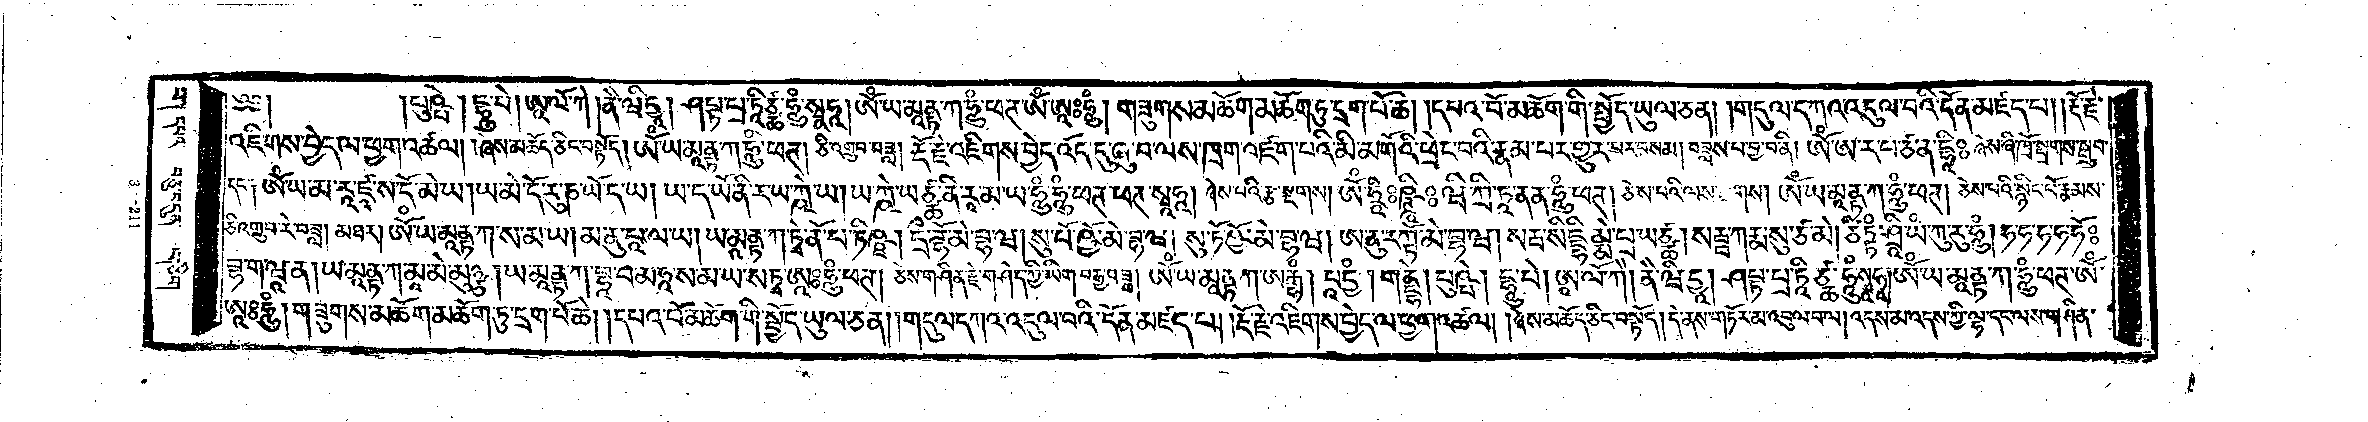༄༅། །པུཥྤེ། དྷཱུ་པེ། ཨཱ་ལོ་ཀེ། ནཻ་ཝིདྱཱ། ཤཔྟ་པྲ་ཏཱི་ཙྪ་ཧཱུཾ་སྭཱཧཱ། ཨོཾ་ཡ་མཱནྟ་ཀ་ཧཱུཾ་ཕཊ་ཨོཾ་ཨཱཿཧཱུཾ། གཟུགས་མཆོག་མཆོག་ཏུ་དྲག་པོ་ཆེ། །དཔའ་བོ་མཆོག་གི་སྤྱོད་ཡུལ་ཅན། །གདུལ་དཀའ་འདུལ་བའི་དོན་མཛད་པ། །རྡོ་རྗེ་
འཇིགས་བྱེད་ལ་ཕྱག་འཚལ། །ཞེས་མཆོད་ཅིང་བསྟོད།  ཨོཾ་ཡ་མཱནྟ་ཀ་ཧཱུཾ་ཕཊ། ཅི་འགྲུབ་བཟླ།  རྡོ་རྗེ་འཇིགས་བྱེད་འོད་དུ་ཞུ་བ་ལས་ཁྲག་འཛག་པའི་མི་མགོའི་ཕྲེང་བའི་རྣམ་པར་གྱུར་པར་བསམ། བཟླས་པ་བྱ་བ་ནི།  ཨོཾ་ཨ་ར་པ་ཙ་ན་དྷཱིཿ ཞེས་ཞི་ཁྲོ་སྦྲགས་སྒྲུབ་
དང༑ ཨོཾ་ཡ་མ་རཱ་ཛཱ་ས་དོ་མེ་ཡ། ཡ་མེ་དོ་རུ་ཎ་ཡོད་ཡ། ཡ་ད་ཡོ་ནི་ར་ཡཀྵེ་ཡ། ཡཀྵེ་ཡ་ཙྪ་ནི་རཱ་མ་ཡ་ཧཱུཾ་ཧཱུཾ་ཕཊ་ཕཊ་སྭཱཧཱ། ཞེས་པའི་རྩ་སྔགས།  ཨོཾ་ཧྲཱིཿཥྚྲཱིཿཝི་ཀྲི་ཏཱ་ན་ན་ཧཱུཾ་ཕཊ། ཅེས་པའི་ལས་སྔགས།  ཨོཾ་ཡ་མཱནྟ་ཀ་ཧཱུཾ་ཕཊ། ཅེས་པའི་སྙིང་པོ་རྣམས་
ཅི་འགྲུབ་རེ་བཟླ། མཐར། ཨོཾ་ཡ་མཱནྟ་ཀ་ས་མ་ཡ། མ་ནུ་པཱ་ལ་ཡ། ཡ་མཱ་ནྟ་ཀ་ཏྭེ་ནོ་པ་ཏིཥཊཿཨ། དྲྀ་ཌྷོ་མེ་བྷ་ཝ། སུ་པོ་ཥྱོ་མེ་བྷ་ཝ། སུ་ཏོ་ཥྱོ་མེ་བྷ་ཝ། ཨ་ནུ་རཀྟོ་མེ་བྷ་ཝ། སརྦ་སིདྡྷི་མྨེ་པྲ་ཡཙྪ། སརྦ་ཀརྨ་སུ་ཙ་མེ། ཙི་ཏྟཾ་ཤྲཱི་ཡཾ་ཀུ་རུ་ཧཱུཾ། ཧ་ཧ་ཧ་ཧ་ཧོཿ
བྷ་ག་ཝཱན། ཡ་མཱནྟ་ཀ་མཱ་མེ་མུཉྩ། ཡ་མཱནྟ་ཀ་བྷཱ་བ་མ་ཧཱ་ས་མ་ཡ་སཏྭ་ཨཱཿཧཱུཾ་ཕཊ། ཅེས་གཤིན་རྗེ་གཤེད་ཀྱི་ཡིག་བརྒྱ་བཟླ།  ཨོཾ་ཡ་མཱནྟ་ཀ་ཨརྒྷཾ། པཱདྱཾ། གནྡྷེ། པུཥྤེ། དྷཱུ་པེ། ཨཱ་ལོ་ཀཻ། ནཻ་ཝི་དྱཱ། ཤཔྟ་པྲ་ཏཱི་ཙྪ་ཧཱུཾ་སྭཱཧཱ། ཨོཾ་ཡ་མཱནྟ་ཀ་ཧཱུཾ་ཕཌ་ཨོཾ་
ཨཱཿཧཱུཾ། གཟུགས་མཆོག་མཆོག་ཏུ་དྲག་པོ་ཆེ། །དཔའ་བོ་མཆོག་གི་སྤྱོད་ཡུལ་ཅན། །གདུལ་དཀའ་འདུལ་བའི་དོན་མཛད་པ། །རྡོ་རྗེ་འཇིགས་བྱེད་ལ་ཕྱག་འཚལ། །ཞེས་མཆོད་ཅིང་བསྟོད། དེ་ནས་གཏོར་མ་འབུལ་བ་ལ། འདས་མ་འདས་ཀྱི་ལྷ་དང་ལས་གཤིན